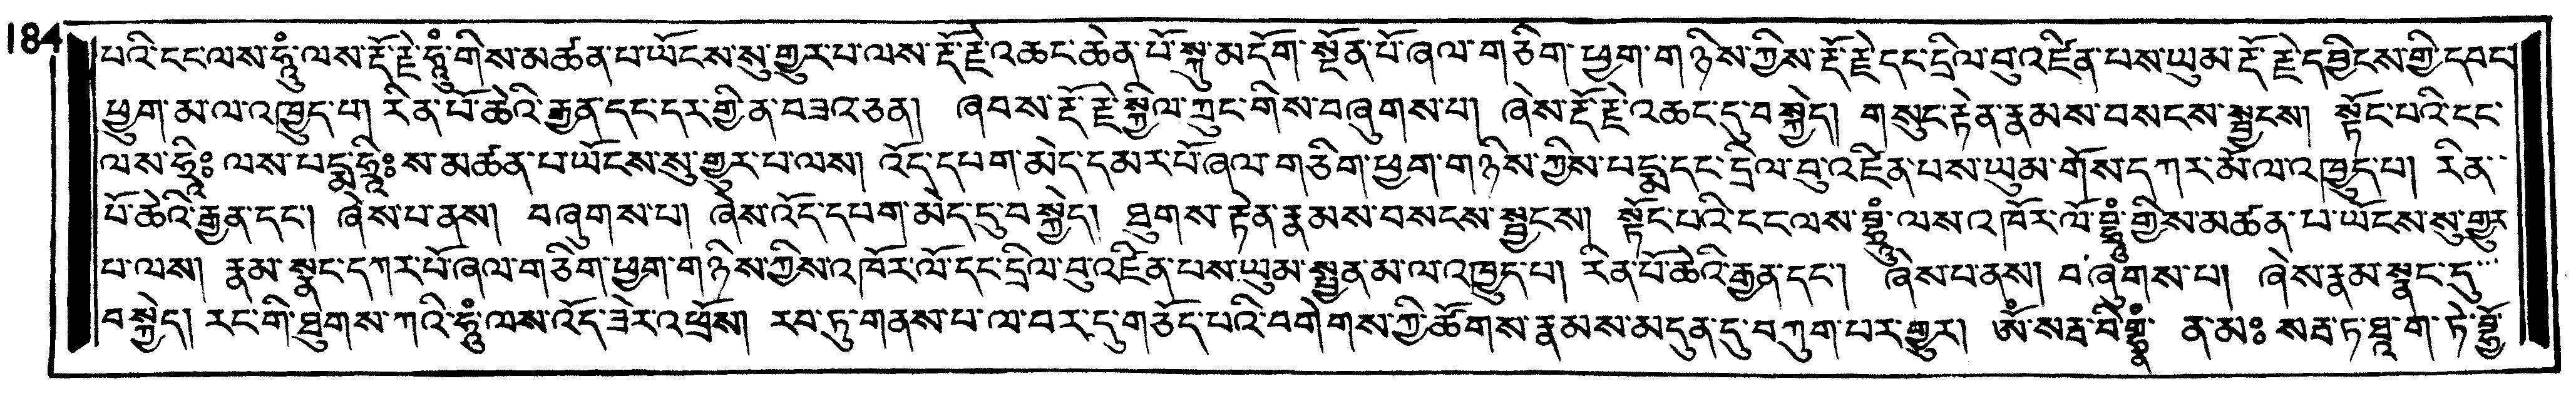པའི་ངང་ལས་ཧཱུཾ་ལས་རྡོ་རྗེ་ཧཱུཾ་གིས་མཚན་པ་ཡོངས་སུ་གྱུར་པ་ལས་རྡོ་རྗེ་འཆང་ཆེན་པོ་སྐུ་མདོག་སྔོན་པོ་ཞལ་གཅིག་ཕྱག་གཉིས་ཀྱིས་རྡོ་རྗེ་དང་དྲིལ་བུ་འཛིན་པས་ཡུམ་རྡོ་རྗེ་དབྱིངས་གྱི་དབང་
ཕྱུག་མ་ལ་འཁྱུད་པ། རིན་པོ་ཆེའི་རྒྱན་དང་དར་གྱི་ན་བཟའ་ཅན། ཞབས་རྡོ་རྗེ་སྐྱིལ་ཀྲུང་གིས་བཞུགས་པ། ཞེས་རྡོ་རྗེ་འཆང་དུ་བསྐྱེད། གསུང་རྟེན་རྣམས་བསངས་སྦྱངས། སྟོང་པའི་ངང་
ལས་ཧྲཱིཿ ལས་པདམ་ཧྲཱིཿ ས་མཚན་པ་ཡོངས་སུ་གྱུར་པ་ལས། འོད་དཔག་མེད་དམར་པོ་ཞལ་གཅིག་ཕྱག་གཉིས་ཀྱིས་པདམ་དང་དྲིལ་བུ་འཛིན་པས་ཡུམ་གོས་དཀར་མོ་ལ་འཁྱུད་པ། རིན་
པོ་ཆེའི་རྒྱན་དང་། ཞེས་པ་ནས། བཞུགས་པ། ཞེས་འོད་དཔག་མེད་དུ་བསྐྱེད། ཐུགས་རྟེན་རྣམས་བསངས་སྦྱངས། སྟོང་པའི་ངང་ལས་བྷྲཱུཾ་ལས་འཁོར་ལོ་བྷྲཱུཾ་གྱིས་མཚན་པ་ཡོངས་སུ་གྱུར་
པ་ལས། རྣམ་སྣང་དཀར་པོ་ཞལ་གཅིག་ཕྱག་གཉིས་ཀྱིས་འཁོར་ལོ་དང་དྲིལ་བུ་འཛིན་པས་ཡུམ་སྤྱན་མ་ལ་འཁྱུད་པ། རིན་པོ་ཆེའི་རྒྱན་དང་། ཞེས་པ་ནས། བཞུགས་པ། ཞེས་རྣམ་སྣང་དུ་
བསྐྱེད། རང་གི་ཐུགས་ཀའི་ཧཱུཾ་ལས་འོད་ཟེར་འཕྲོས། རབ་ཏུ་གནས་པ་ལ་བར་དུ་གཅོད་པའི་བགེགས་ཀྱི་ཚོགས་རྣམས་མདུན་དུ་བཀུག་པར་གྱུར། ཨོཾ་སརྦ་བི་གྷྣཾ་ན་མཿ སརྦ་ཏ་ཐཱ་ག་ཏེ་བྷྱོ་